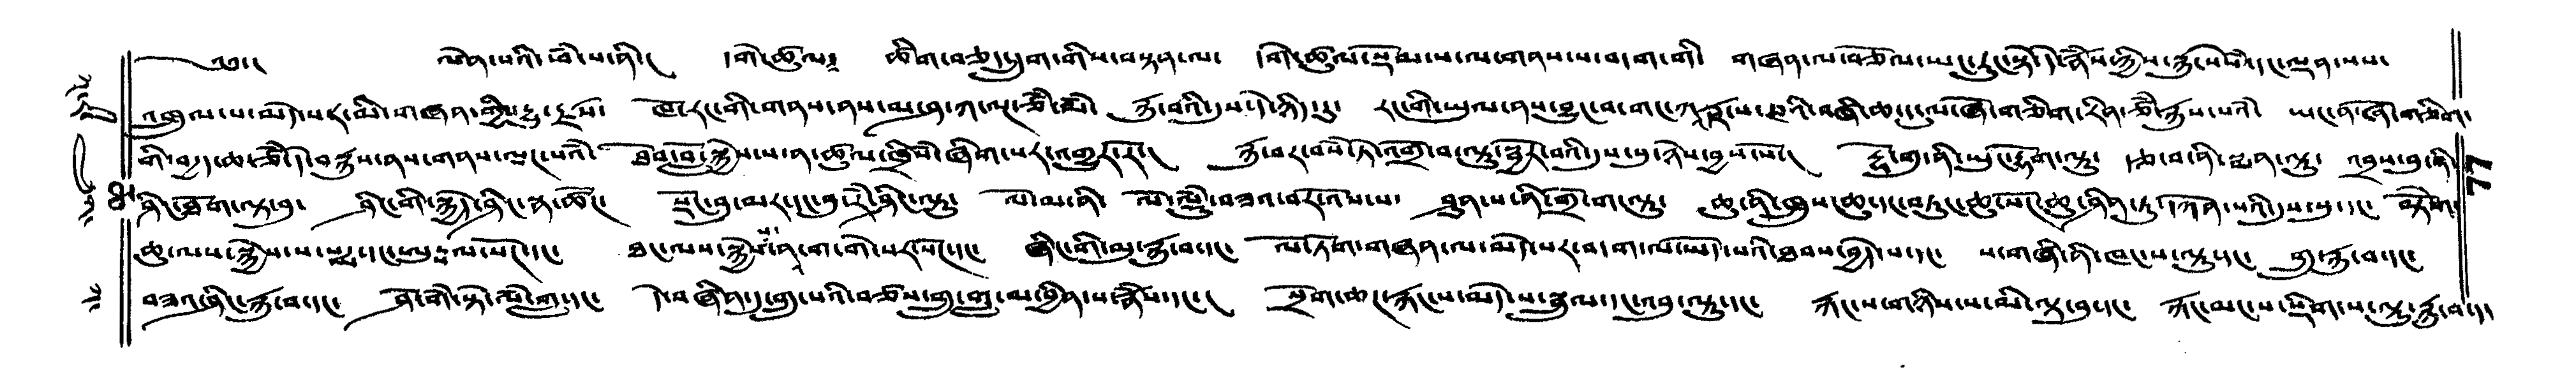ལེན་པའི་ཕམ་པ་ནི། དགེ་ཚུལ༴ ཚིགས་བཅད་དྲུག་གིས་བསྟན་ལ། དགེ་ཚུལ་སྡོམ་པ་ལ་གནས་པ་བདག་གིས། གཞན་ལ་བཅོལ་ཡང་རུང་སྟེ་དེ་རྣམས་ཀྱིས་རྐུ་སེམས་དང་ལྡན་པས་
འཁྲུལ་པ་མེད་པར་མི་གཞན་གྱི་རྒྱུ་རྫས་ཁོ་རང་གི་གནས་ནས་མ་ཤ་ཀ་ལྔ་ཙམ་མམ། རྐུ་བའི་དུས་དེ་ཉིད་དུ། རང་གི་ཡུལ་ནས་བྱུང་བ་གང་ཀརྴ་པ་ཎའི་བཞི་ཆ་དངུལ་ཞོ་གཅིག་གི་རིན་ཙམ་རྐུས་པའམ། ཡང་ན་ཞོ་གཅིག་
གི་བརྒྱད་ཆ་ཙམ་དེ་བརྐུས་ནས་གནས་སྤོས་པའམ། ཐོབ་བློ་སྐྱེས་པ་ན་ཚུལ་ཁྲིམས་ཞིག་པར་འགྱུར་རོ། རྐུ་བར་བསམ་ཏེ་འགྲོ་བ་ལྟ་བུ་སྦྱོར་བའི་དུས་སུ་ཉེས་བྱས་སོ། དོག་གུ་ནི་ཡུང་རྡོག་ལྟ་བུ། རྩ་བ་ནི་སྨན་ལྟ་བུ། འབྲས་བུ་ནི་
ཤིང་ཏོག་ལྟ་བུ། ཤིང་གི་སྐྱེ་ཤིང་སྣ་ཚོགས། སྡོང་བུ་མར་དང་བུ་རམ་ཤིང་ལྟ་བུ། ལོ་མ་ནི། ལོ་ལྡུམ་བཟའ་བར་འོས་པ། ཤུན་པ་ནི་གྲོ་ག་ལྟ་བུ། ཆུ་ནི་ཁྲུས་ཆུ་དང་བཏུང་ཆུ་སོགས་ཆུ་ཤིན་ཏུ་དཀོན་པའི་དུས་སུ་དང་། མེ་ཏོག་
ཆུ་ལས་སྐྱེས་པ་པདྨ་དང་ཨུཏྤལ་སོགས་དང་། ཐང་ལས་སྐྱེས་པ་ནཱ་ག་གེ་སར་སོགས་དང་། ཞིང་གི་མུ་རྐུ་བ་དང་། ལོ་ཏོག་གཞན་ལ་མེད་པར་བདག་ལ་ཡོད་པའི་ཐབས་བྱེད་པ་དང་།ས་གཞི་ནི་ཁང་པ་ལྟ་བུ་དང་། གྲུ་རྐུ་བ་དང་། 
བཟའ་ཤིང་རྐུ་བ་དང་། ཤོ་གམ་སྟེ་ལམ་གླ་དང་། དེ་བཞིན་དུ་གྲུ་བའི་བཙས་གྲུ་གླ་མ་བྱིན་པ་རྣམས་དང་། སྲོག་ཆགས་རྐང་པ་མེད་པ་སྦྲུལ་དང་འབུ་ལྟ་བུ་དང་། རྐང་པ་གཉིས་པ་མི་ལྟ་བུ་དང་། རྐང་མང་པ་སྡིག་པ་ལྟ་བུ་རྐུ་བ་དང་།